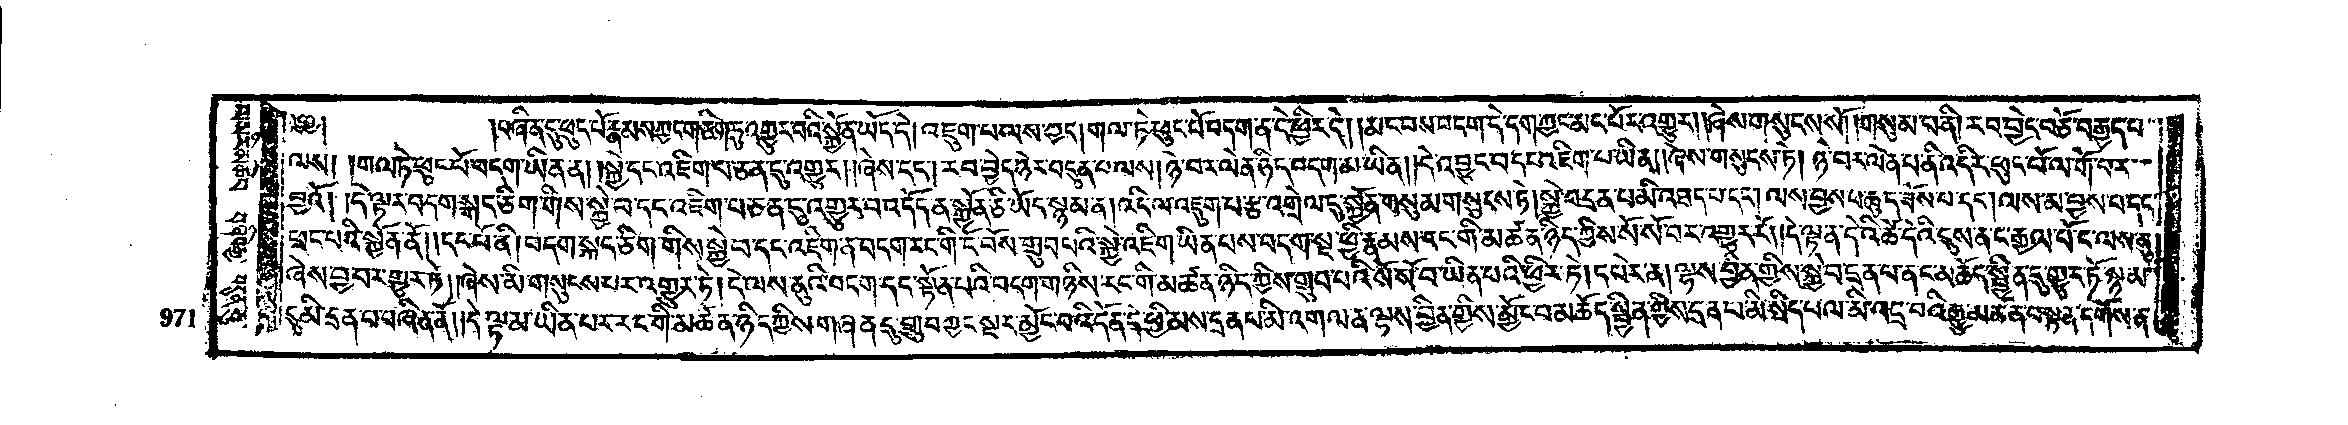༄༅། །བཞིན་དུ་ཕུང་པོ་རྣམས་ཀྱང་གཅིག་ཏུ་འགྱུར་བའི་སྐྱོན་ཡོད་དེ། འཇུག་པ་ལས་ཀྱང་། གལ་ཏེ་ཕུང་པོ་བདག་ན་དེ་ཕྱིར་དེ། །མང་བས་བདག་དེ་དག་ཀྱང་མང་པོར་འགྱུར། །ཞེས་གསུངས་སོ། །གསུམ་པ་ནི། རབ་བྱེད་བཅོ་བརྒྱད་པ་
ལས༑ གལ་ཏེ་ཕུང་པོ་བདག་ཡིན་ན། །སྐྱེ་དང་འཇིག་པ་ཅན་དུ་འགྱུར། །ཞེས་དང་། རབ་བྱེད་ཉེར་བདུན་པ་ལས། ཉེ་བར་ལེན་ཉིད་བདག་མ་ཡིན། །དེ་འབྱུང་བ་དང་འཇིག་པ་ཡིན། །ཞེས་གསུངས་ཏེ། ཉེ་བར་ལེན་པ་ནི་འདིར་ཕུང་པོ་ལ་གོ་བར་
བྱའོ༑ ༑དེ་ལྟར་བདག་སྐད་ཅིག་གིས་སྐྱེ་བ་དང་འཇིག་པ་ཅན་དུ་འགྱུར་བ་འདོད་ན་སྐྱོན་ཅི་ཡོད་སྙམ་ན། འདི་ལ་འཇུག་པ་རྩ་འགྲེལ་དུ་སྐྱོན་གསུམ་གསུངས་ཏེ། སྐྱེ་བ་དྲན་པ་མི་འཐད་པ་དང་། ལས་བྱས་པ་ཆུད་ཟོས་པ་དང་། ལས་མ་བྱས་པ་དང་
ཕྲད་པའི་སྐྱོན་ནོ། །དང་པོ་ནི། བདག་སྐད་ཅིག་གིས་སྐྱེ་བ་དང་འཇིག་ན་བདག་རང་གི་ངོ་བོས་གྲུབ་པའི་སྐྱེ་འཇིག་ཡིན་པས་བདག་སྔ་ཕྱི་རྣམས་རང་གི་མཚན་ཉིད་ཀྱིས་སོ་སོ་བར་འགྱུར་རོ། །དེ་ལྟ་ན་དེའི་ཚེ་དེའི་དུས་ན་ང་རྒྱལ་པོ་ང་ལས་ནུ་
ཞེས་བྱ་བར་གྱུར་ཏོ། །ཞེས་མི་གསུངས་པར་འགྱུར་ཏེ། ང་ལས་ནུའི་བདག་དང་སྟོན་པའི་བདག་གཉིས་རང་གི་མཚན་ཉིད་ཀྱིས་གྲུབ་པའི་སོ་སོ་བ་ཡིན་པའི་ཕྱིར་ཏེ། དཔེར་ན། ལྷས་བྱིན་གྱིས་སྐྱེ་བ་དྲན་པ་ན་ང་མཆོད་སྦྱིན་དུ་གྱུར་ཏོ་སྙམ་
དུ་མི་དྲན་པ་བཞིན་ནོ། །དེ་ལྟ་མ་ཡིན་པར་རང་གི་མཚན་ཉིད་ཀྱིས་གཞན་དུ་གྲུབ་ཀྱང་སྔར་མྱོང་བའི་དོན་དེ་ཕྱི་མས་དྲན་པ་མི་འགལ་ན་ལྷས་བྱིན་གྱིས་མྱོང་བ་མཆོད་སྦྱིན་གྱིས་དྲན་པ་མི་སྲིད་པ་ལ་མི་འདྲ་བའི་རྒྱུ་མཚན་བསྟན་དགོས་ན་